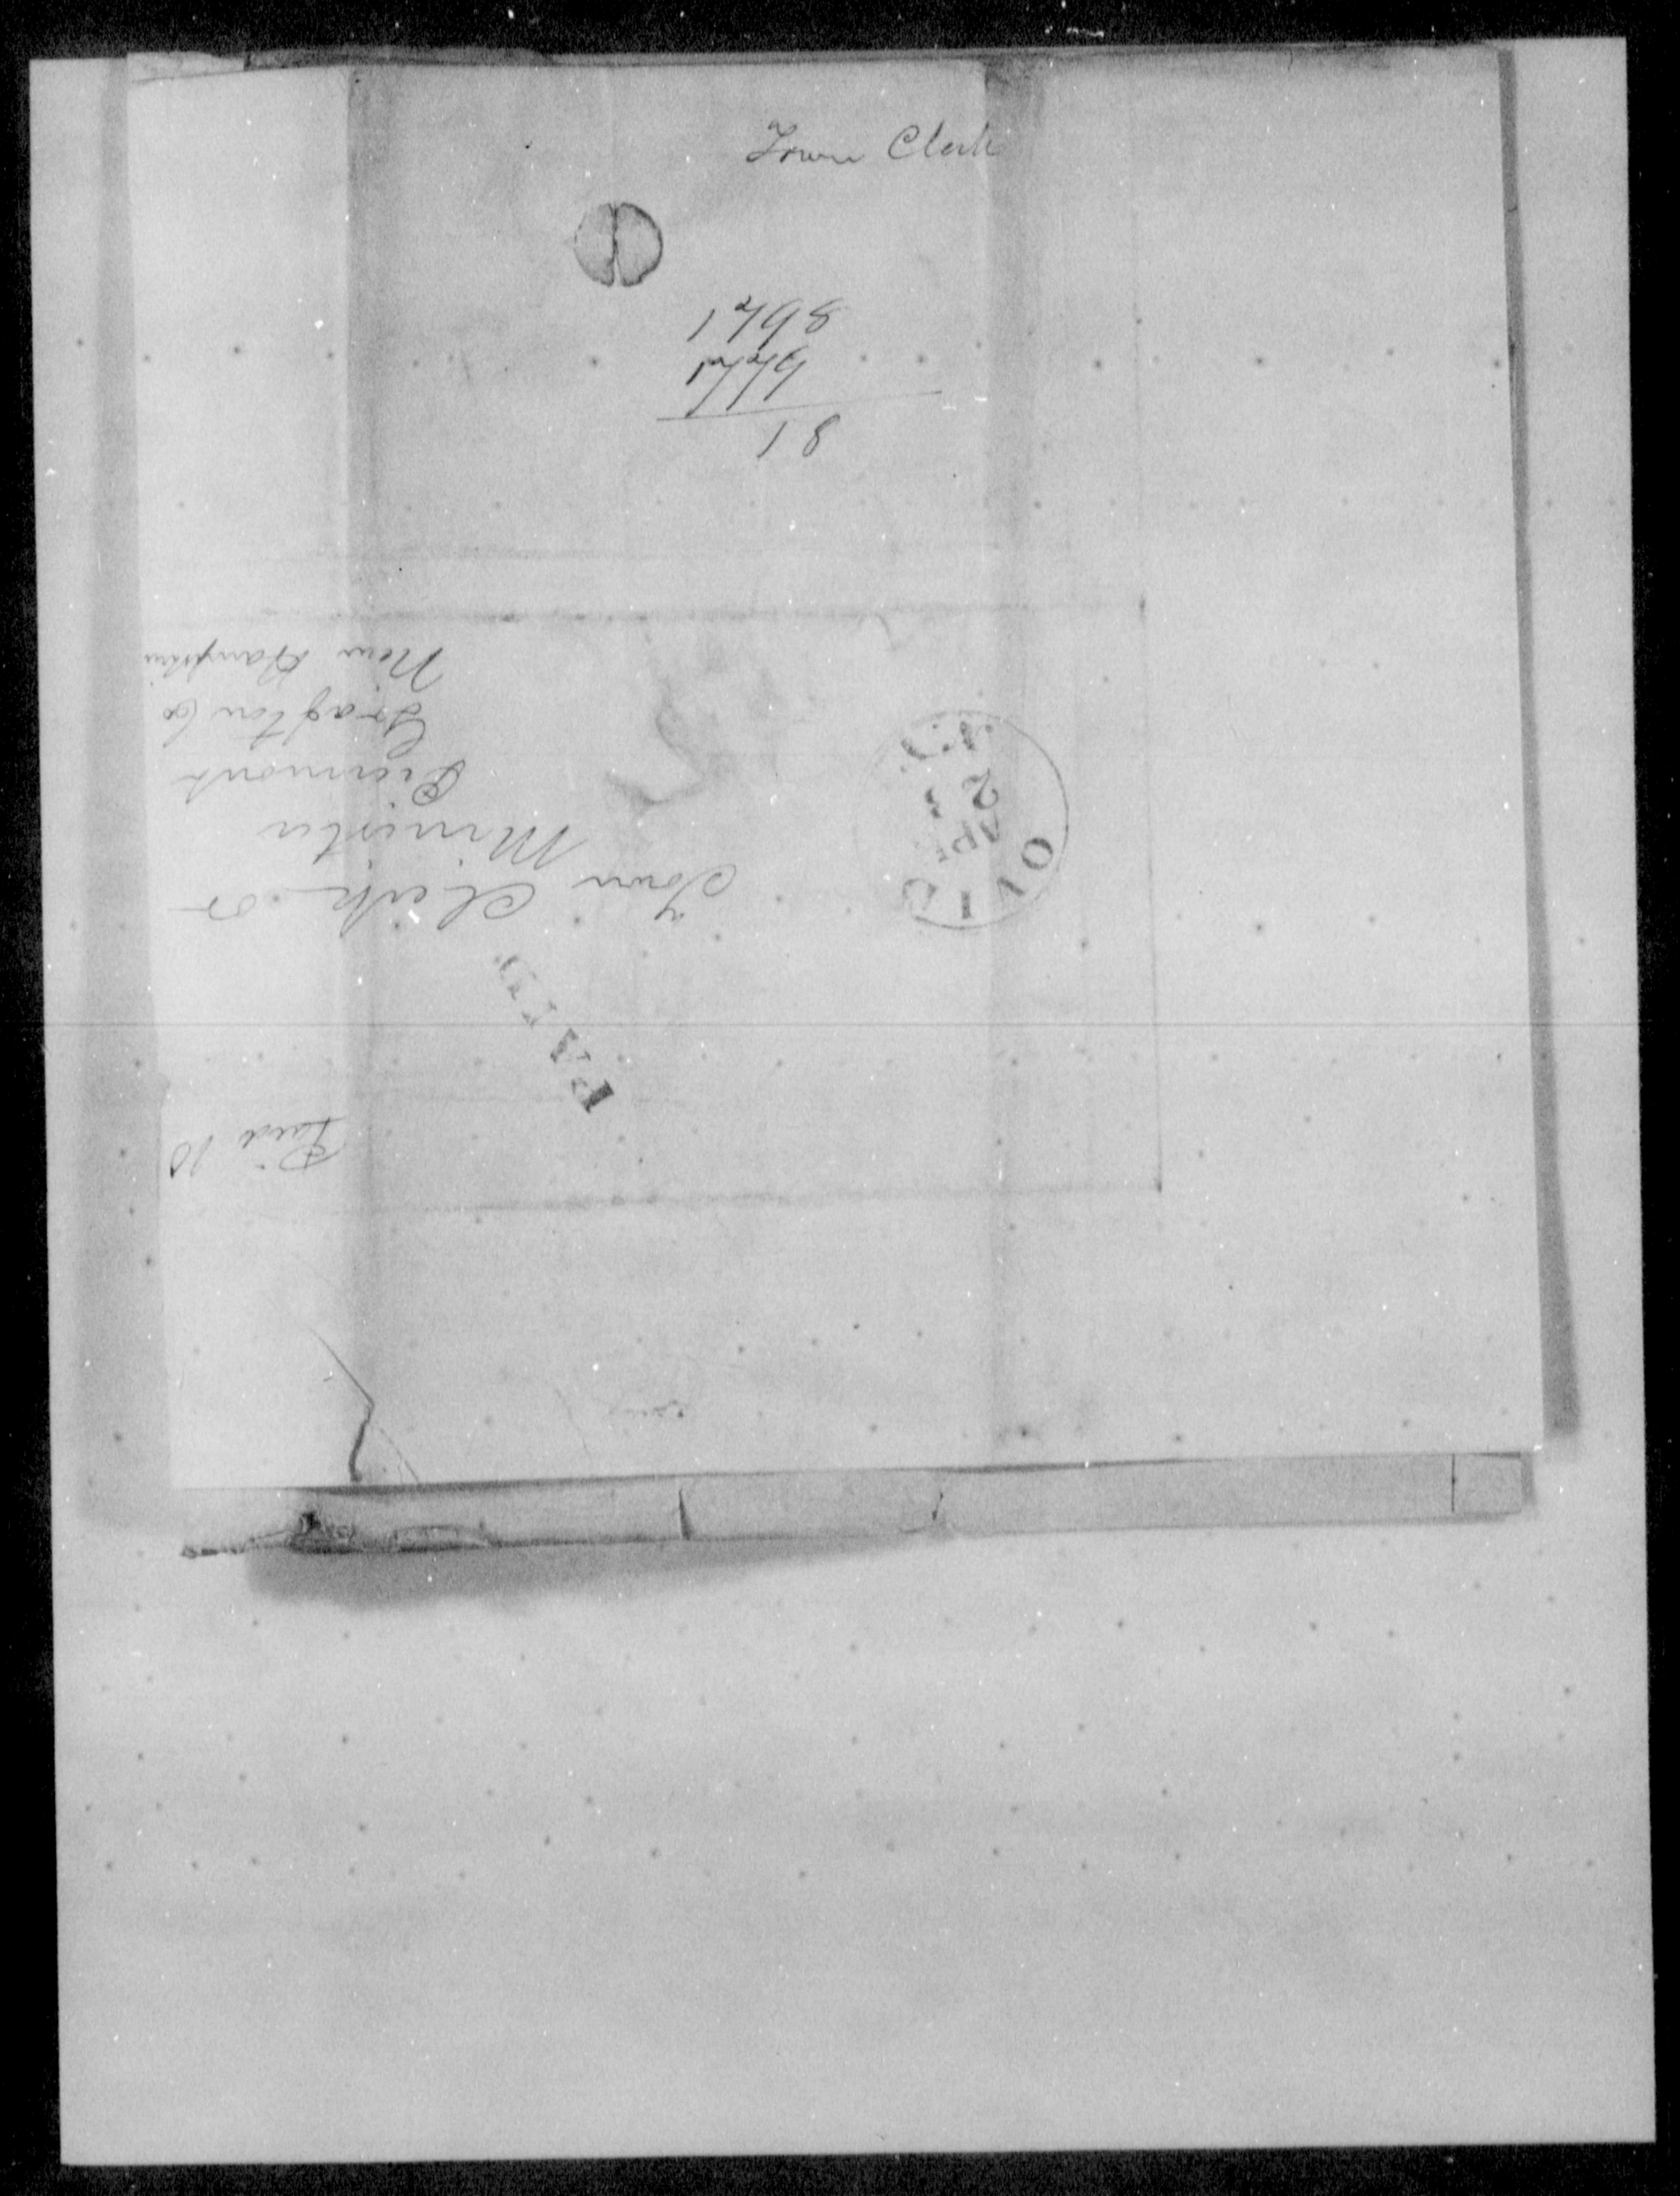Town Clerk
1798
1779
_____
18

[upside down] Paid 10 [postage] PAID
[stamp] OVID APR 23 NY

Town Clerk or Minister
Piermont County
Grafton County
New Hampshire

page: 75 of 109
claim: widow's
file: W. 5709, for Thomas Richards, New Hampshire